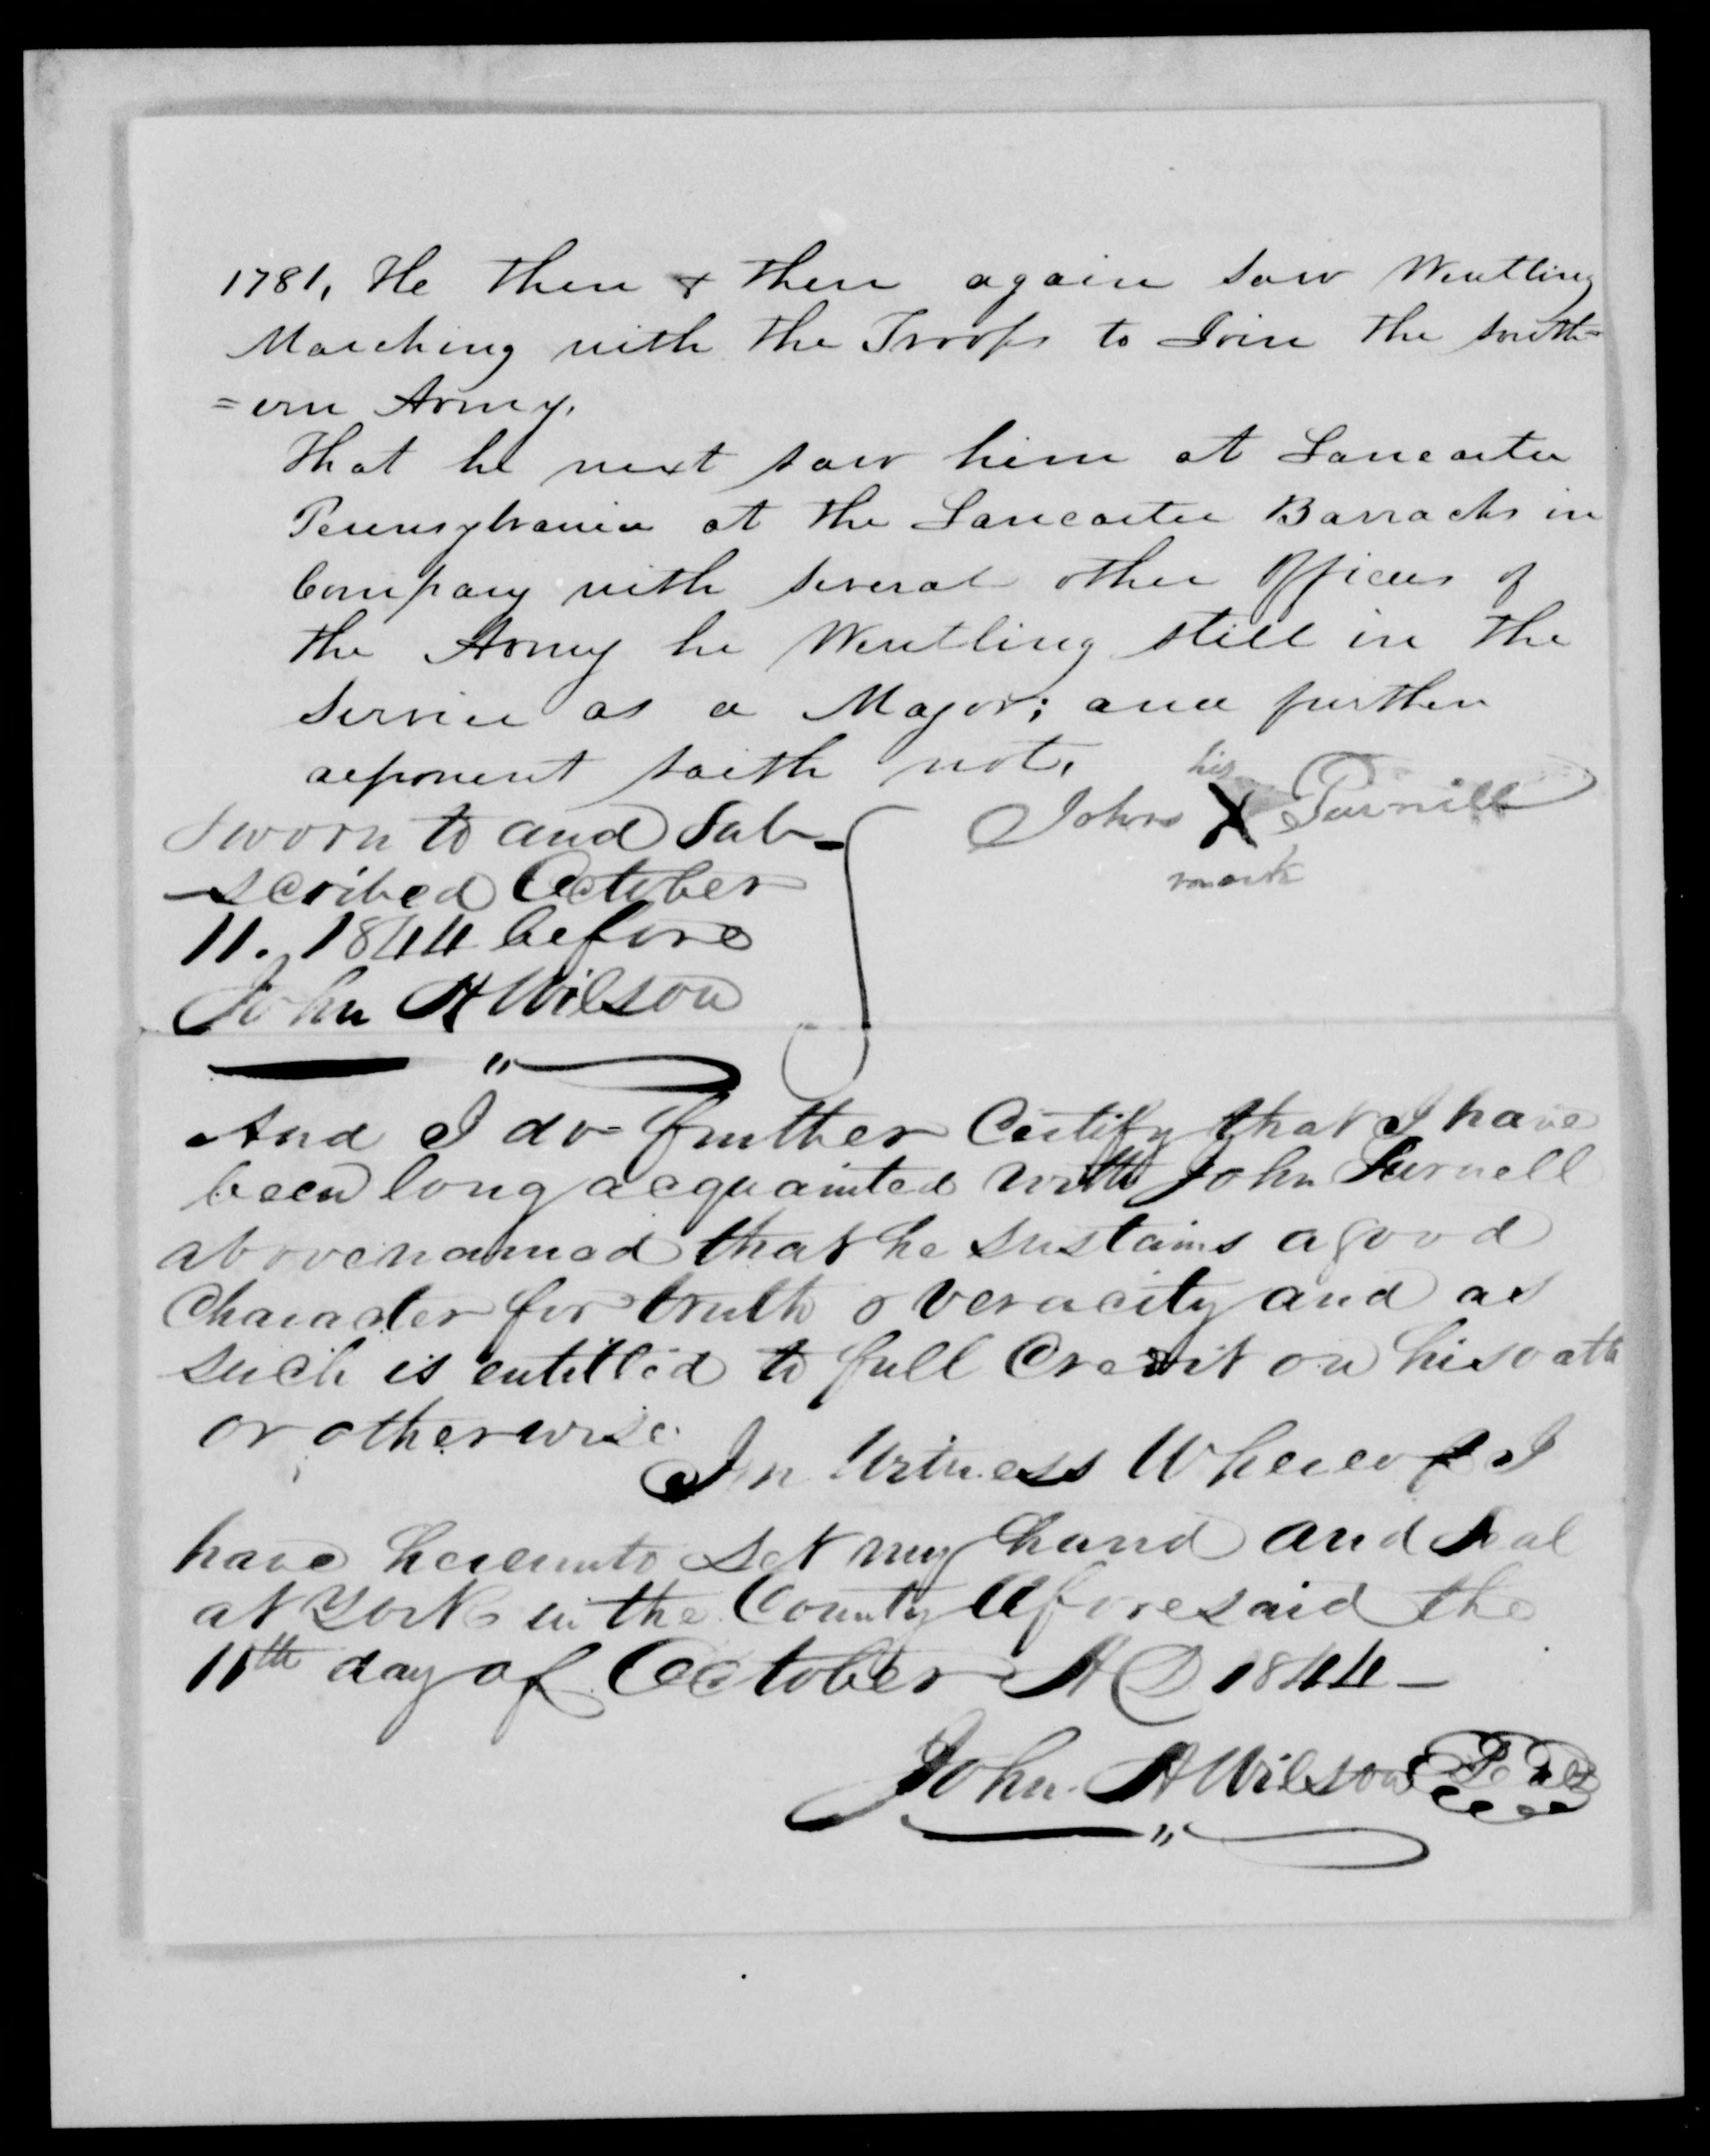1781. He then & there again saw Wentling
Marching with the Troops to join the southern Army.
That he next saw him at Lancaster
Pennsylvania at the Lancaster Barracks in
Company with several other officers of
the Army; he Wentling still in the
Service as a Major; and further
deponent saith not. John Purnell his mark
Sworn to and subscribed October 11. 1844 before
John A Wilson

And I do further certify that I have been long acquainted with John Purnell above named. That he sustains a good
Character for truth & veracity and as such is entitled to full credit on his oath or otherwise.
In Witness Whereof I have hereunto set my hand and seal
at York in the County aforesaid the 11th day of October AD 1844-
John A Wilson {seal}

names: John Purnell, Wentling, John A Wilson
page: 47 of 68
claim: survivor's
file: S. 6,358, George Wentling, Penn.